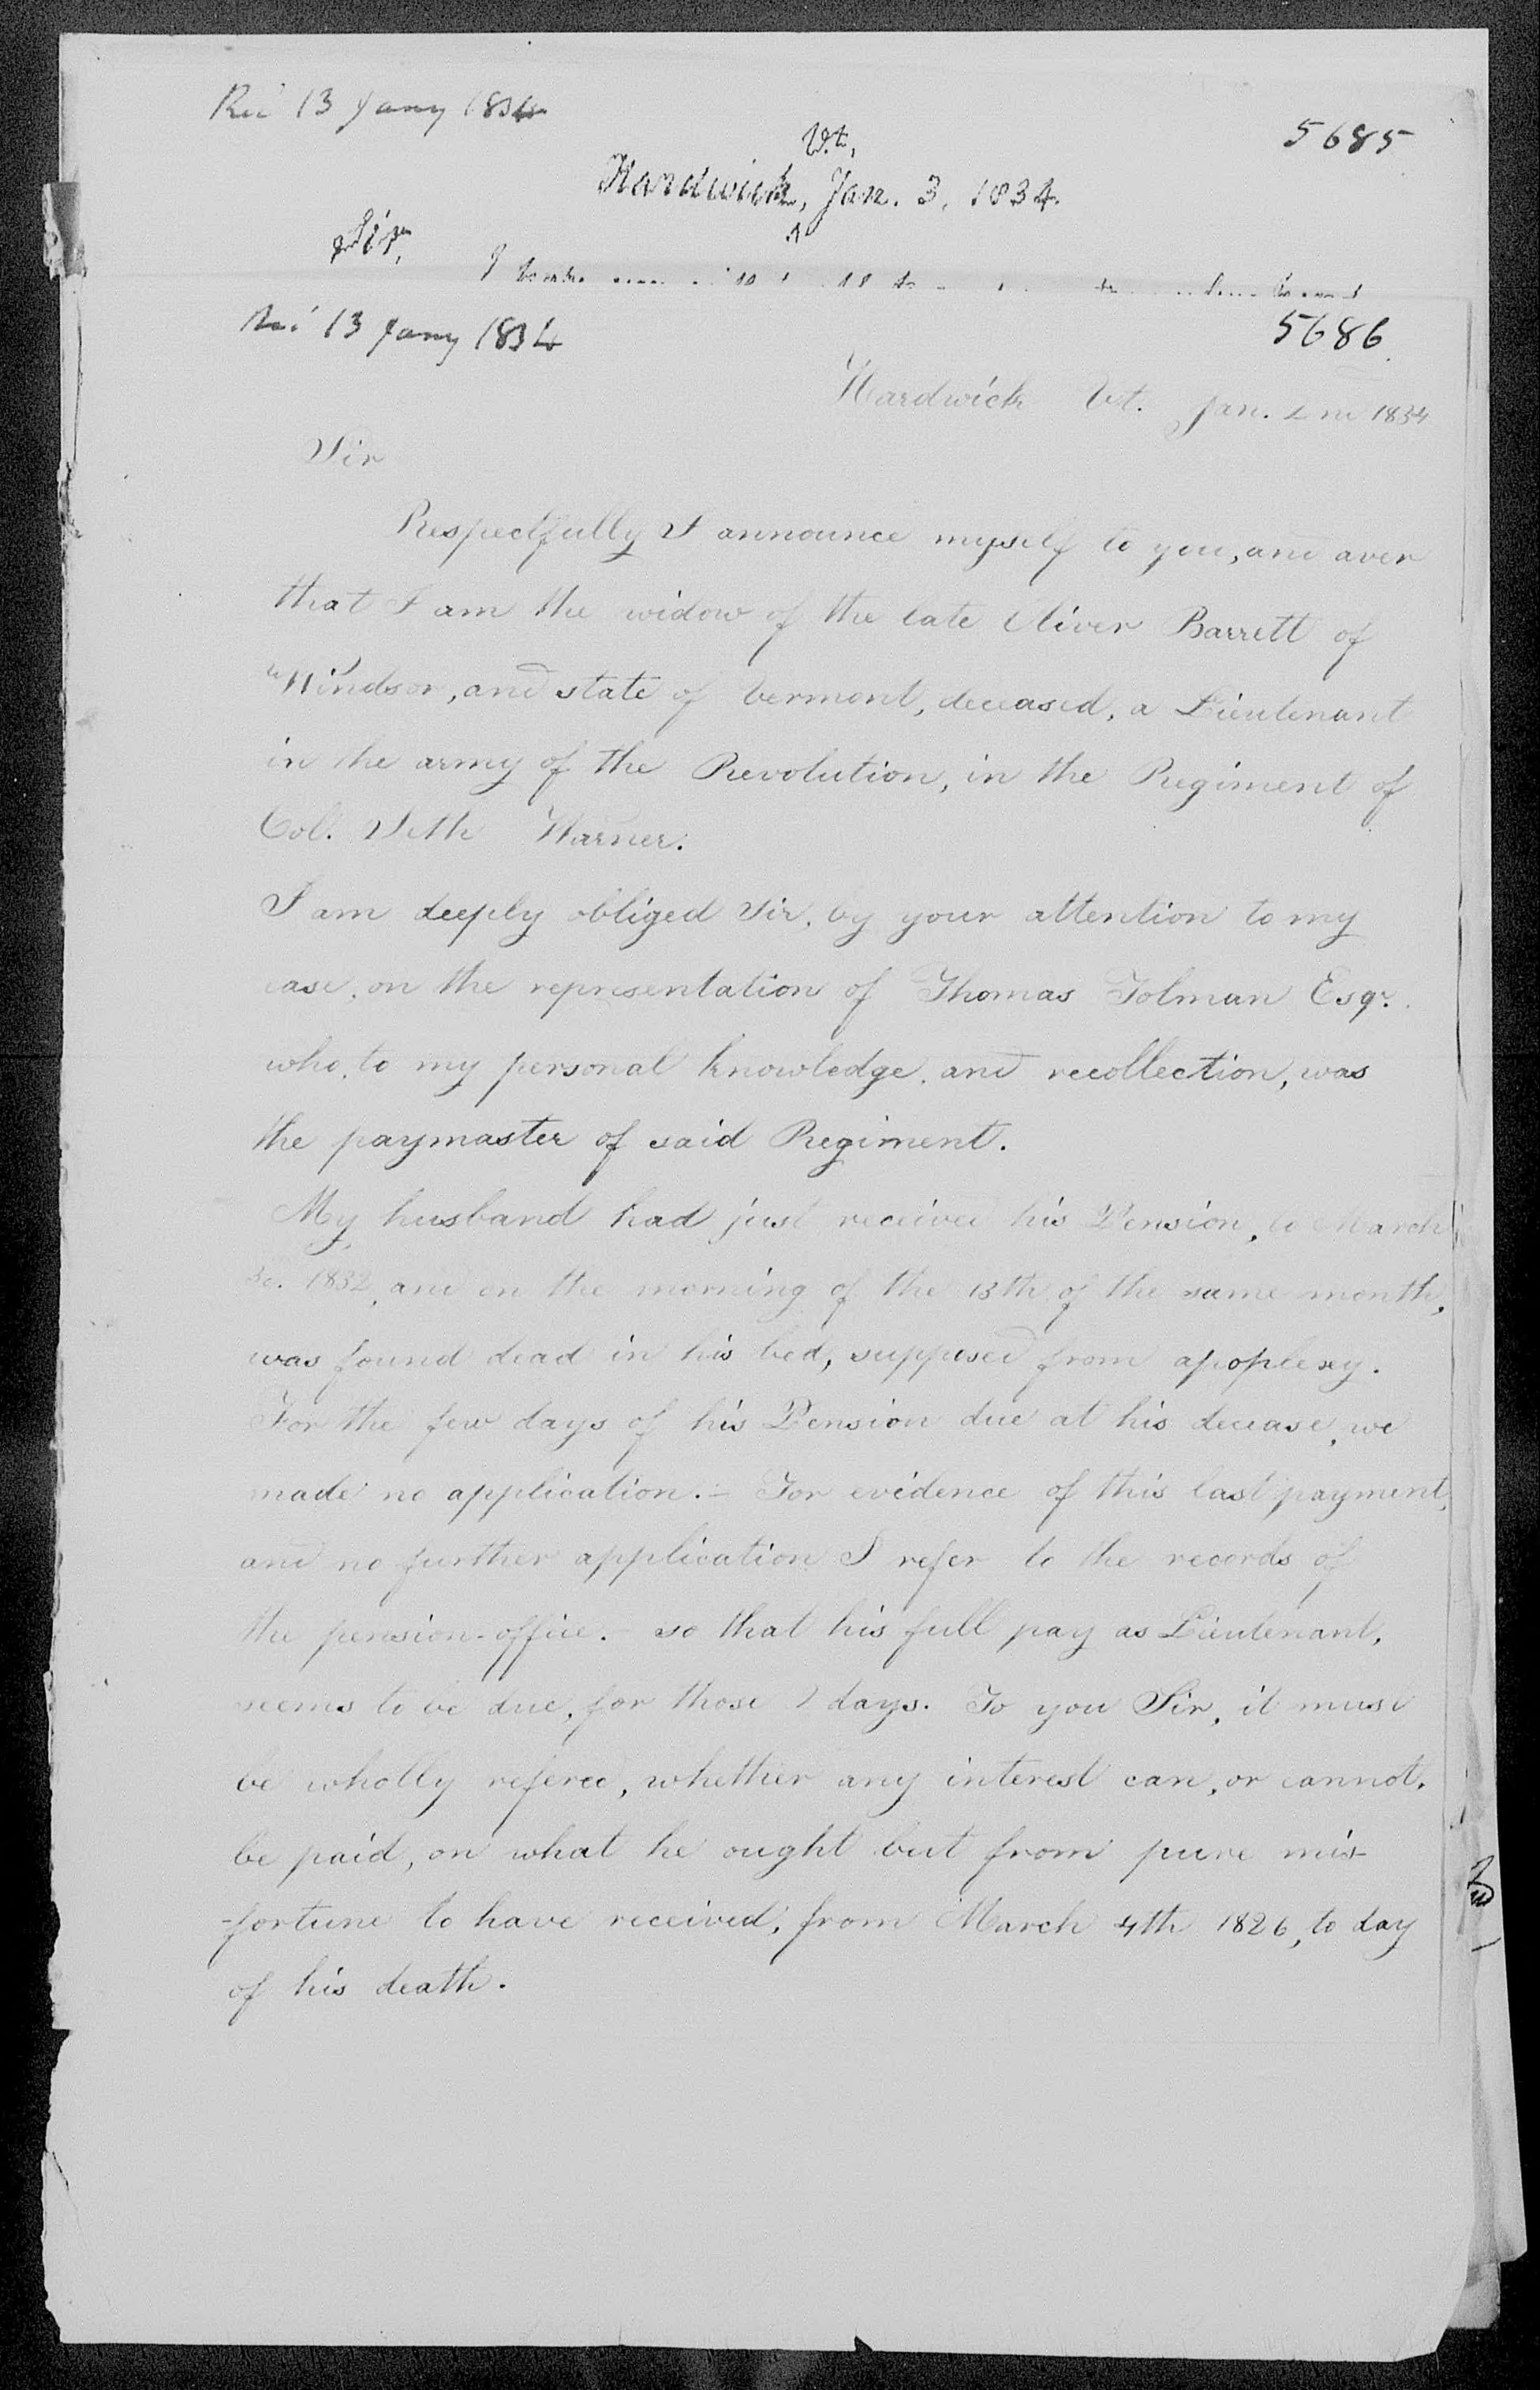Rec 13 Jany 1834

Hardwick Vt. Jan 3 1834  

5685

Rec 13 Jny 1834

5686

Hardwick Vt. Jan AM 1834

Sir
Respectfully I announce myself to you, and over that I am the widow of the late Oliver Barrett of Windsor, and State of Vermont, deceased, a Lieutenant in the army of the Revolution, in the Regiment of Col. Seth Warner. 
I am deeply obliged Sir by your attention to my case on the representation of Thomas Tolman Esq. who to my personal knowledge and recollection was the paymaster of said Regiment. 
My husband had just made his pension, in March 1832, and on the morning of the 13th of the same  month was found dead in his bed, supposed from apoplexy. For the few days of his Pension due at this decease, we made no application.  For evidence of this last payment and no further application I refer to the records of the pension office so that his full pay as Lieutenant seems to be due for these 2 days. To you Sir, it must be wholly referred can or cannot be paid, on what he ought but from pure misfortune to have received, from March 4th 1826, to day of his death.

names: Oliver Barrett, Seth Warner, Thomas Tolman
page: 51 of 83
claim: widow's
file: W. 10,384, Oliver Barrett, Continental (Vt.) N.Y.